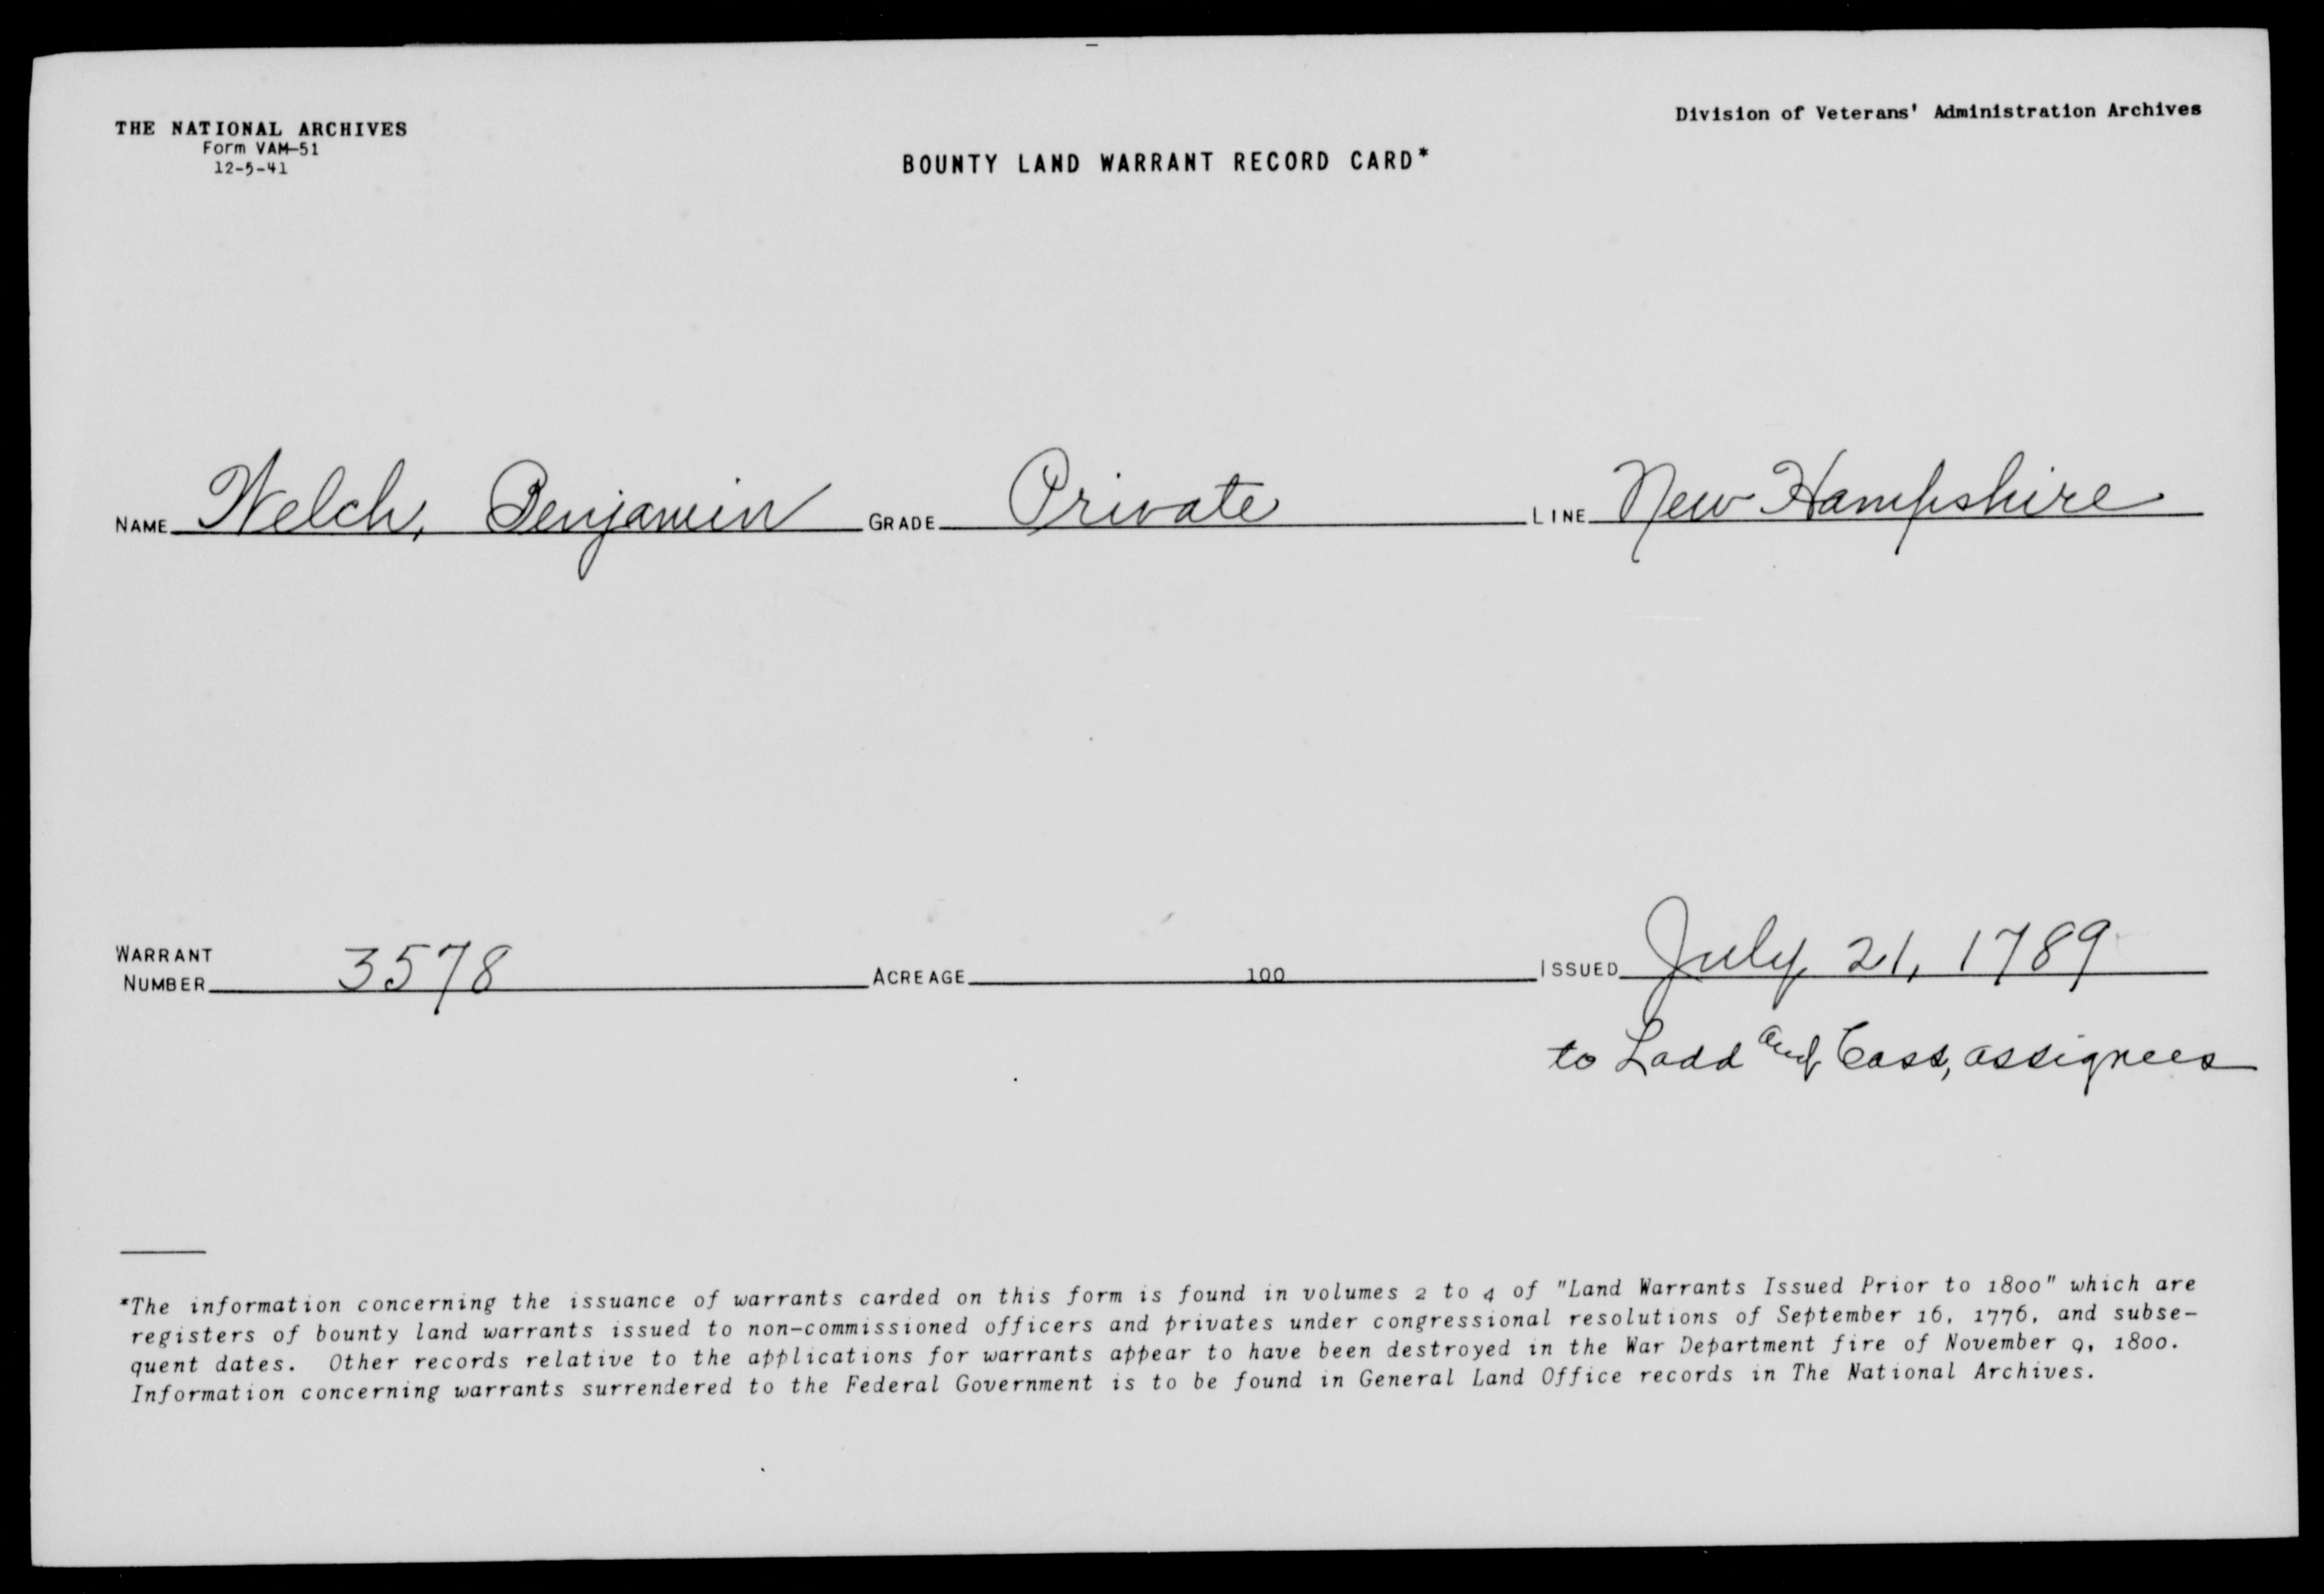THE NATIONAL ARCHIVES
Form VAM-51
12-5-41
BOUNTY LAND WARRANT RECORD CARD*
Division of Veterans' Administration Archives
NAME Welch, Benjamin 
GRADE Private
LINE New Hampshire
WARRANT NUMBER 3578
ACREAGE 100
ISSUED July 21, 1789
to Ladd and Cass, assignees
*The information concerning the issuance of warrants carded on this form is found in volumes 2 to 4 of "Land Warrants Issued Prior to 1800" which are registers of bounty land warrants issued to non-commissioned officers and privates under congressional resolutions of September 16, 1776, and subsequent dates. Other records relative to the applications for warrants appear to have been destroyed in the War Department fire of November 9, 1800.
Information concerning warrants surrendered to the Federal Government is to be found in General Land Office records in The National Archives.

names: Cass, Ladd, Benjamin Welch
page: 23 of 23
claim: rejected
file: R. 20,446, Benjamin Welch, Ga.